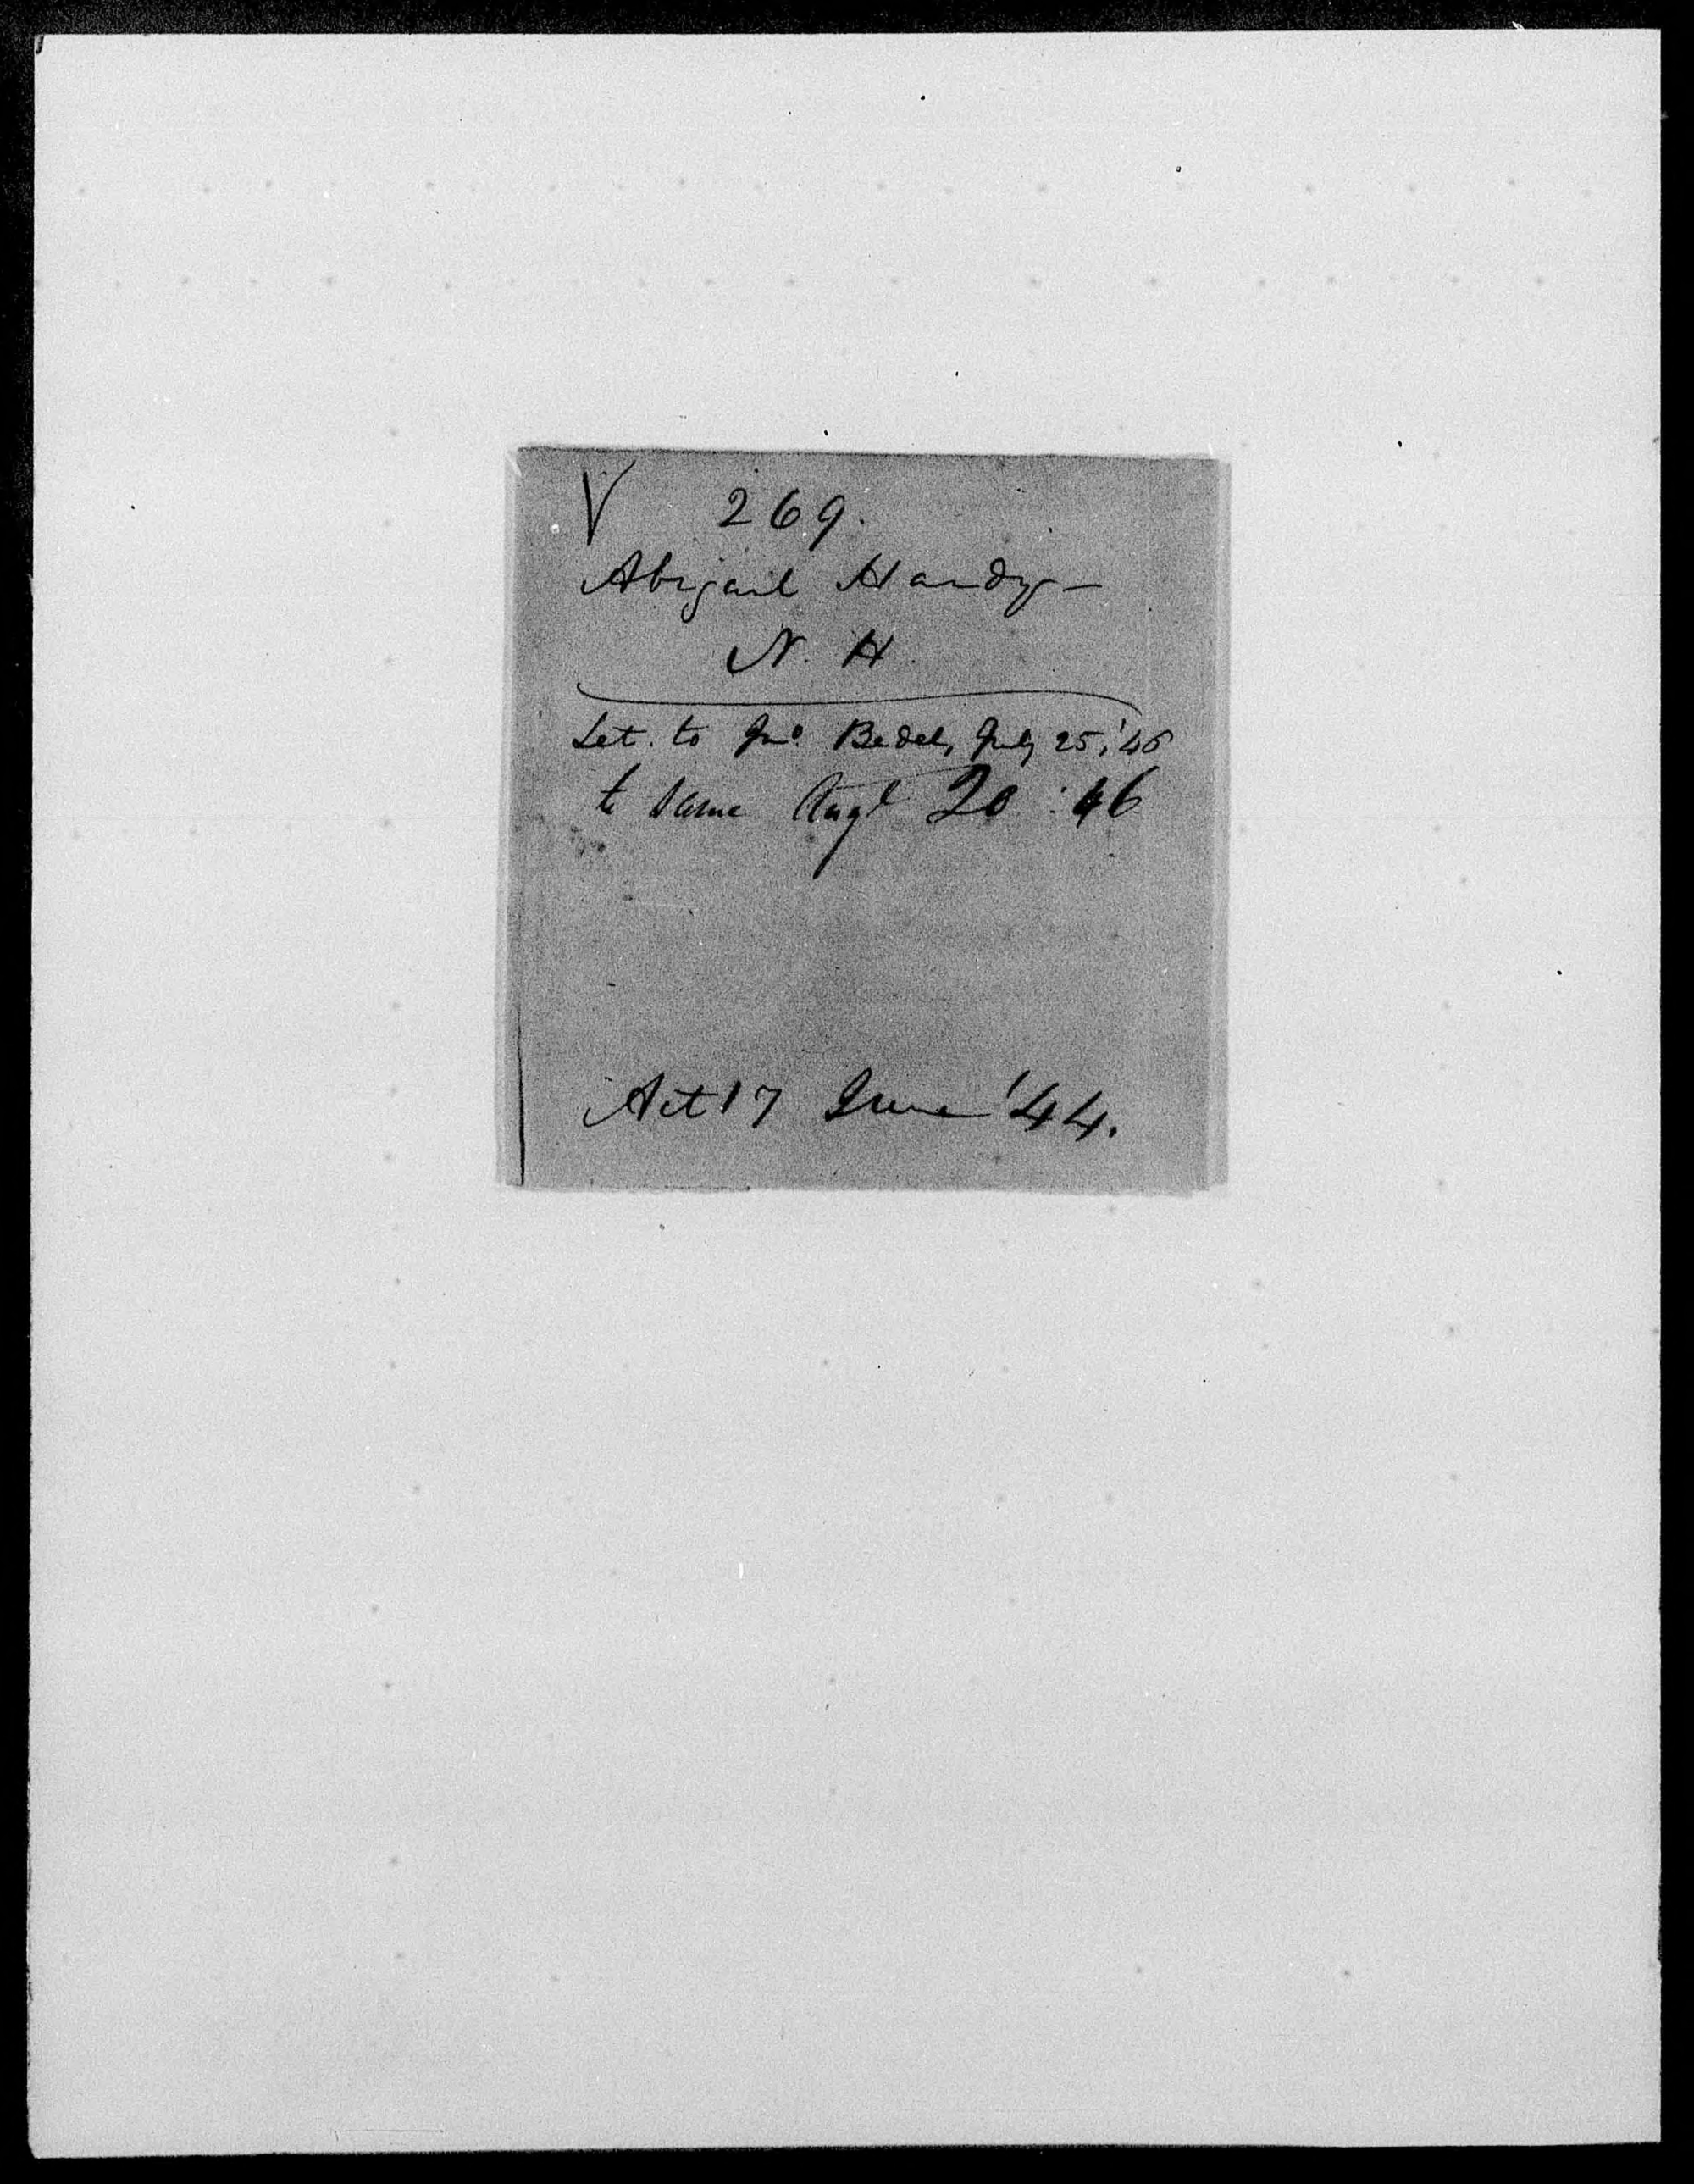V 269
Abigail Hardy
Let to Jnl Bedel, July 25, '46
t same Augt 20 '46
Act 17 June '44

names: Abigail Hardy, Jno Bedel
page: 33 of 67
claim: widow's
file: W. 23183, Jesse Hardy, Mass.